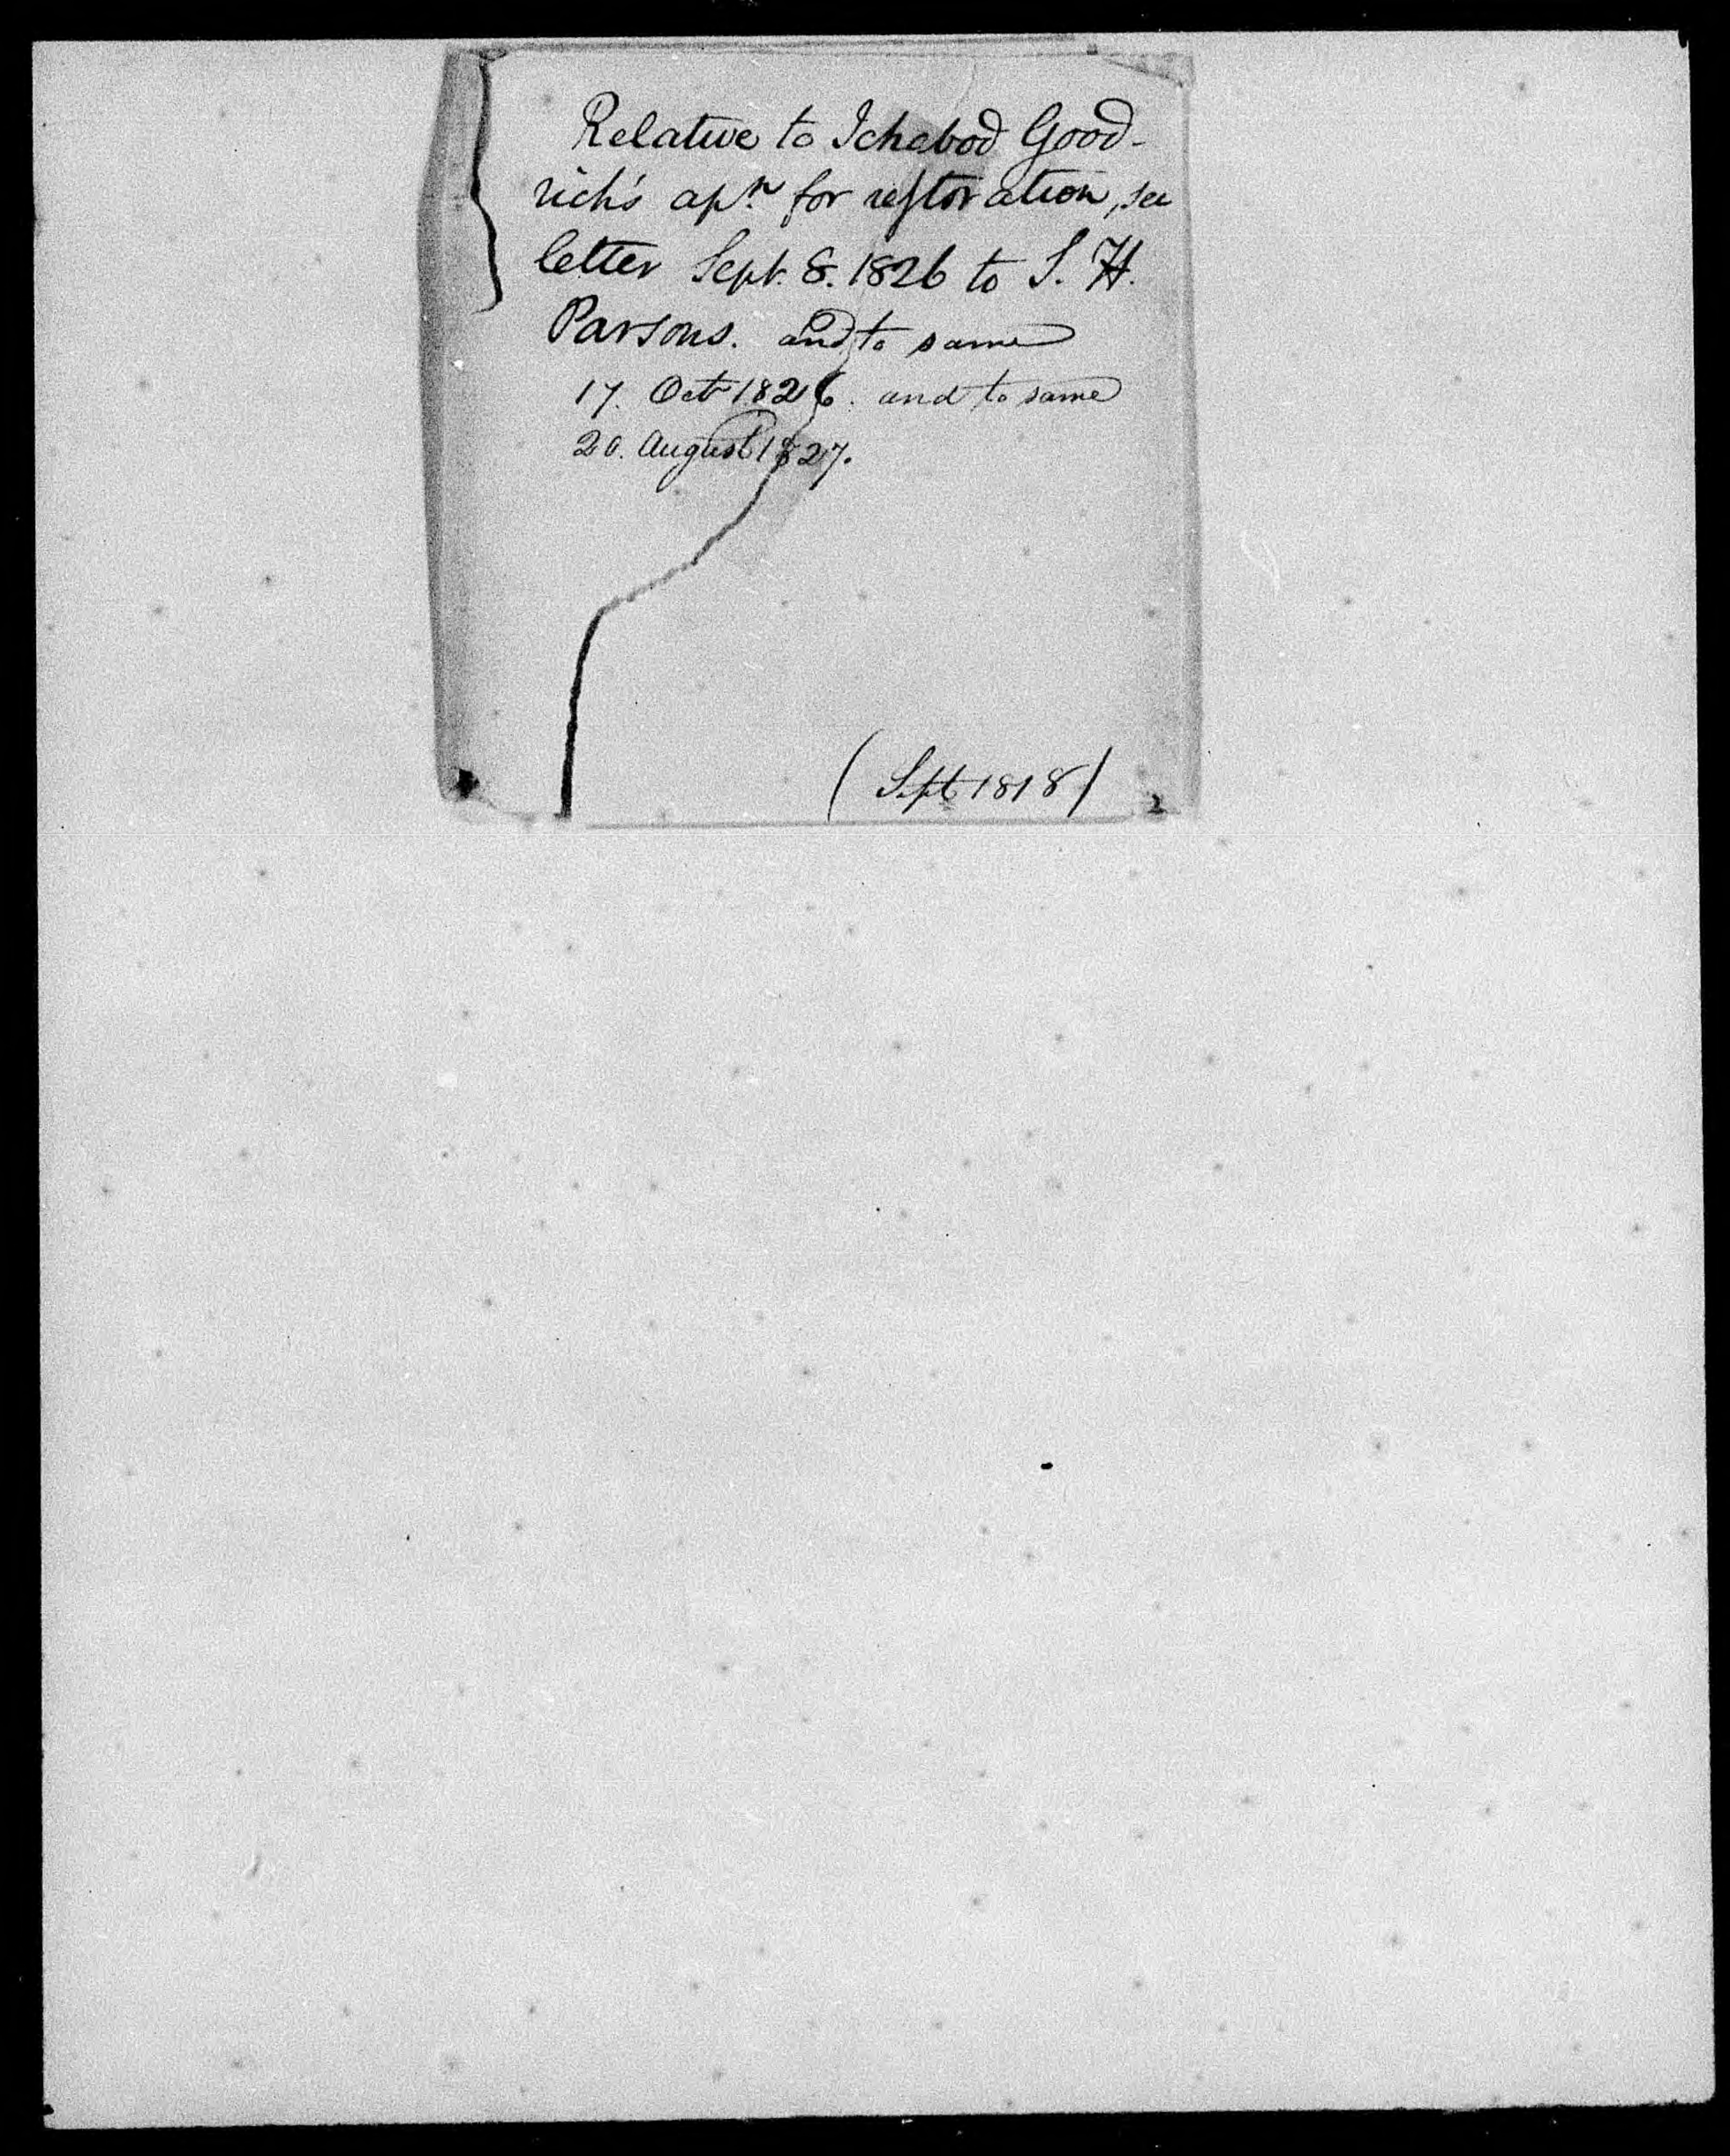Relative to Ichabod Goodrich's appn. for restoration, see letter Sept. 8, 1826 to S. H. Parsons and to same 17 Oct 1826 and to same 20 August 1827.

(Sept 1818)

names: Ichabod Goodrich, S H Parsons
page: 18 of 46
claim: survivor's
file: S. 36,556, Ichabod Goodrich, Conn.